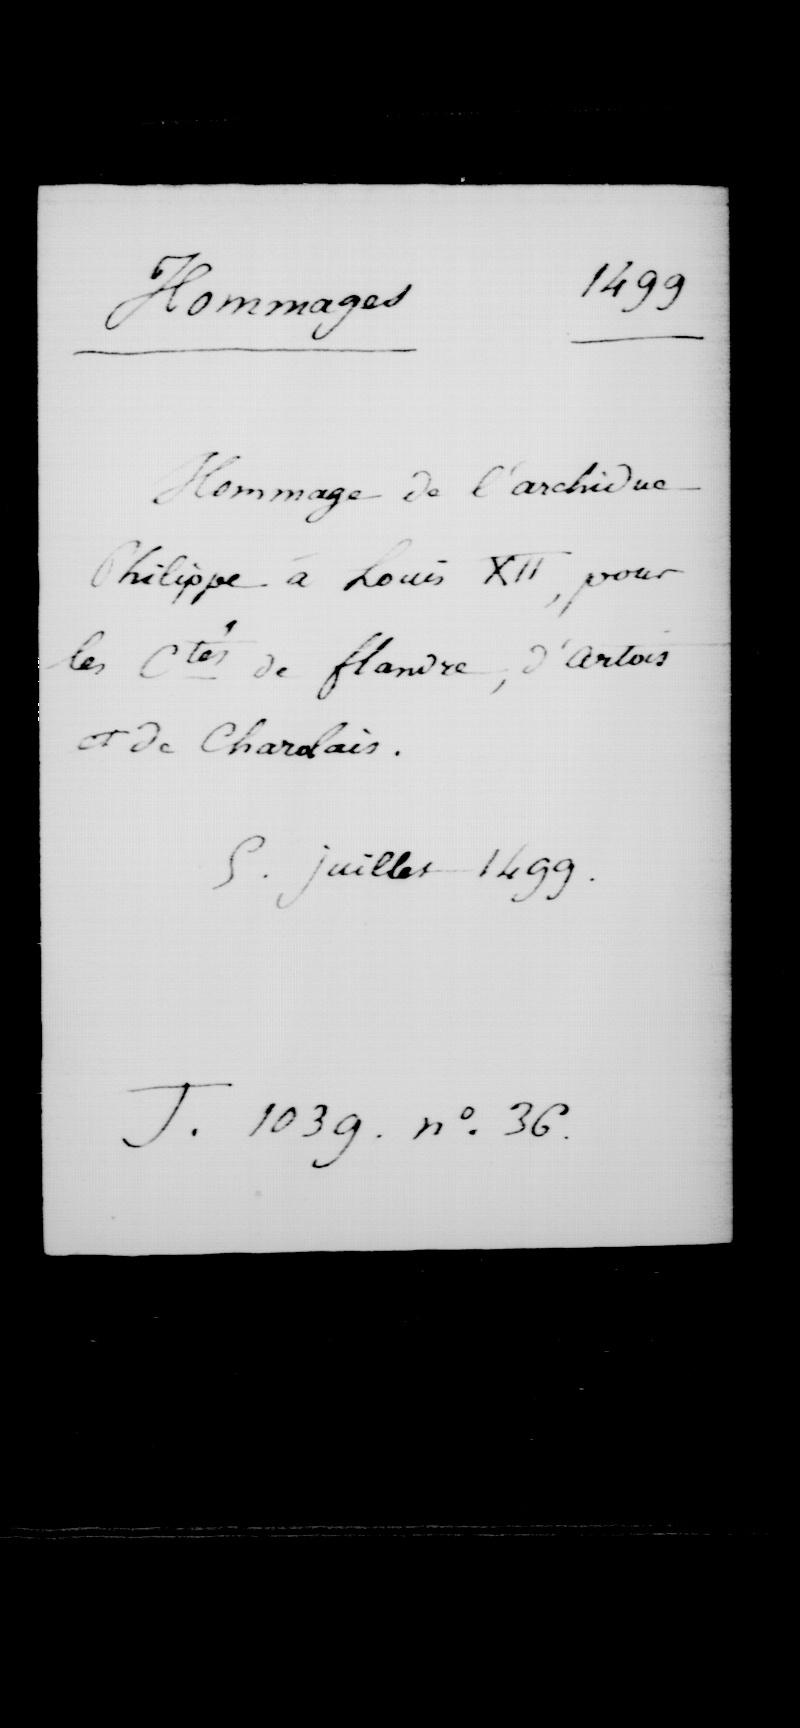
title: Hommages
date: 1499
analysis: Hommage de l'archiduc Philippe à Louis XII, pour les comtés de Flandre, d'Artois et de Charolais. 5 juillet 1499
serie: J
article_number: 1039
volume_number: N° 36
